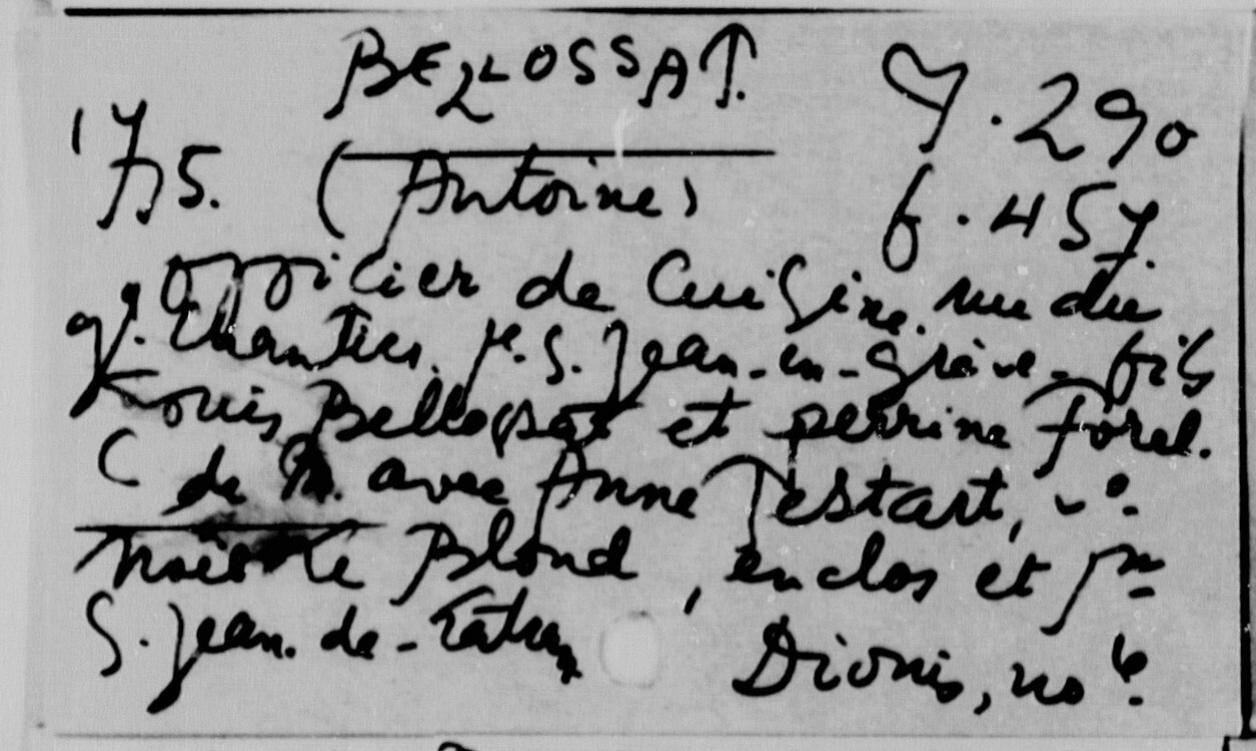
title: BELLOSSAT (Antoine)
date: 1715
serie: Y
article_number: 290
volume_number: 457
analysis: Officier de cuisine, rue du Grand Chantre, paroisse Saint-Jean-en-Grève. Fils Louis Bellossat et Perrine Forel. Contrat de mariage avec Anne Testart, veuve maîstre Blond, enclos et paroisse Saint-Jean-de-Latran. Dionis, notaire.
